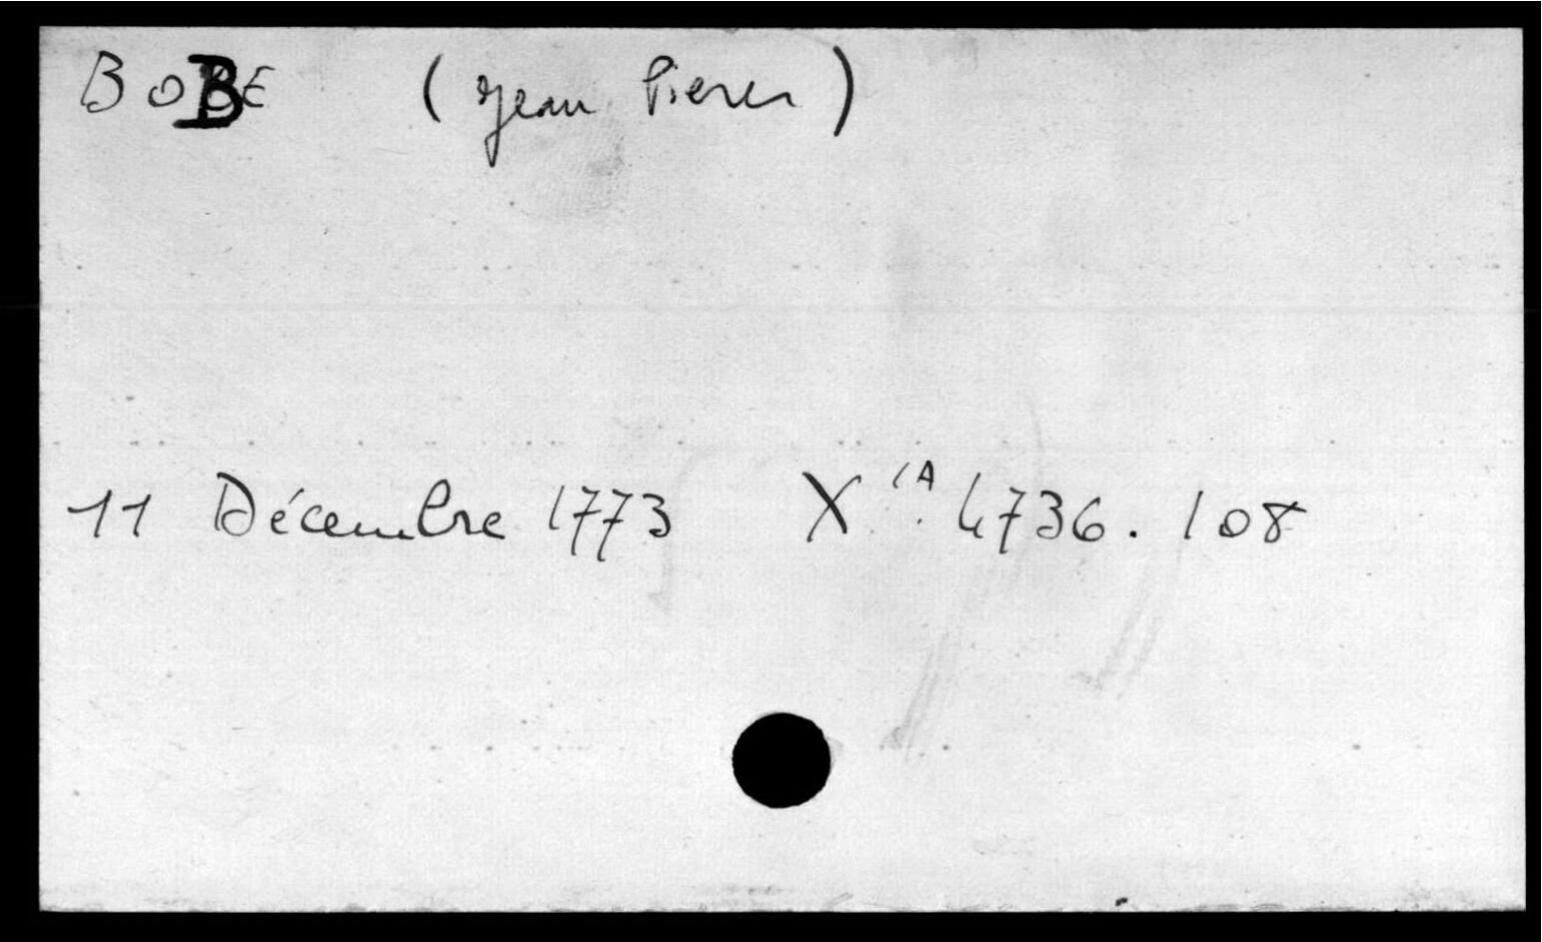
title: BOBE (Jean Pierre)
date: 11 décembre 1773
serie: X1A
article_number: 4736
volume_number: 108
